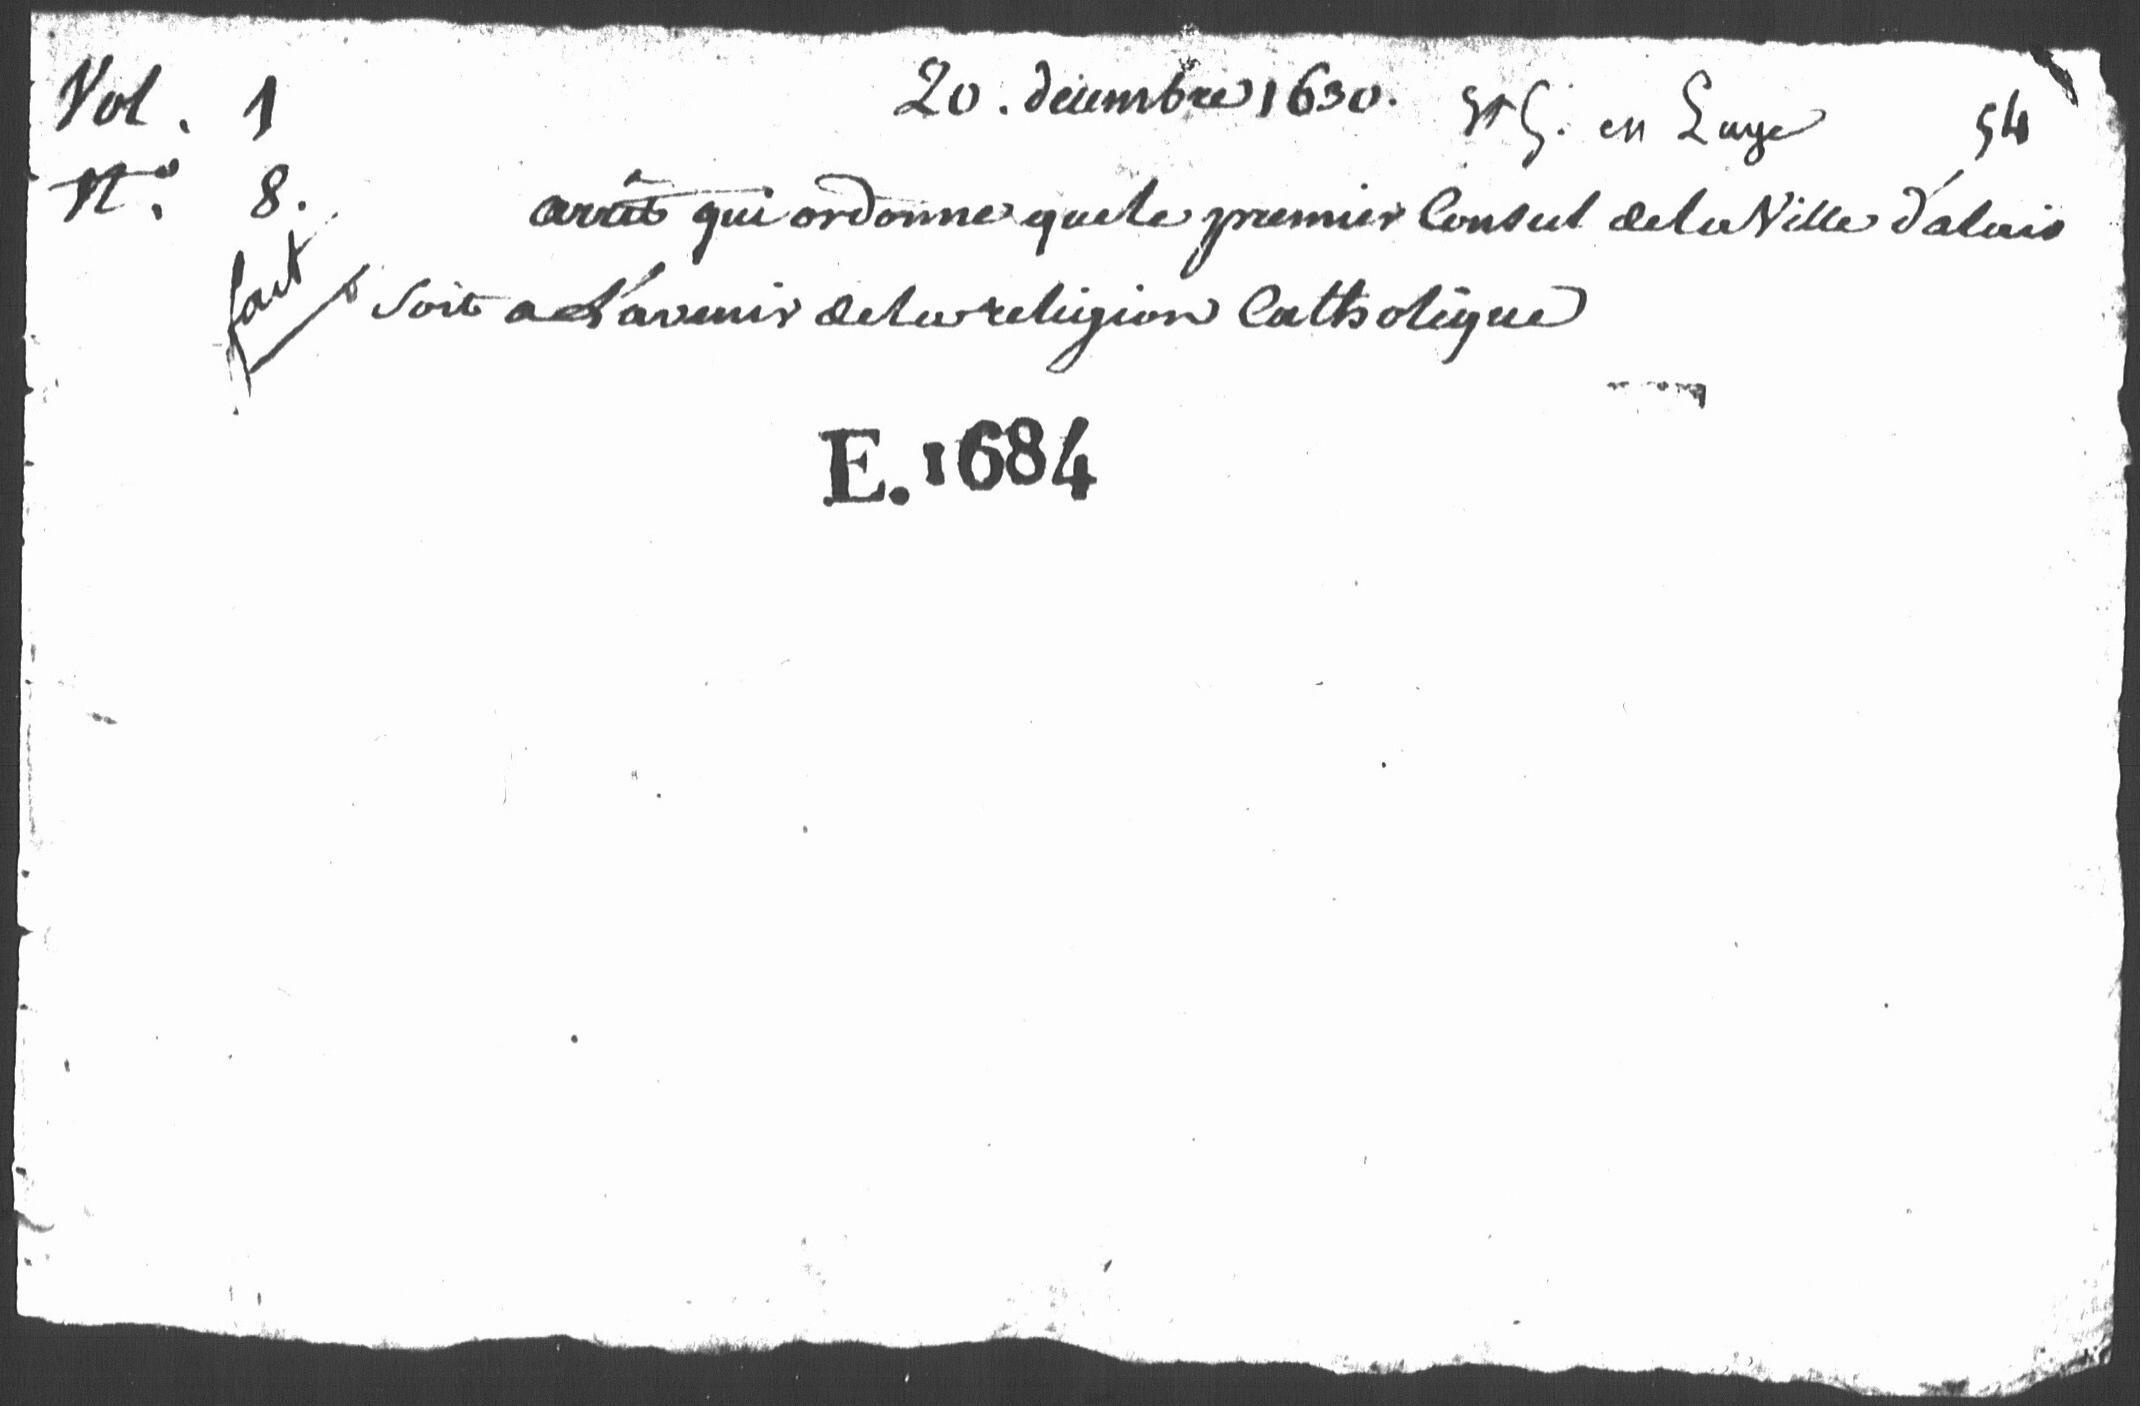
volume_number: n°8
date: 20 décembre 1630
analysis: St G. en laye 54 fait [en marge]
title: arrêt qui ordonne que le premier consul de la ville d'alais soit a l'avenir de la religion catholique
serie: E
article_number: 1684
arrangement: vol. 1
